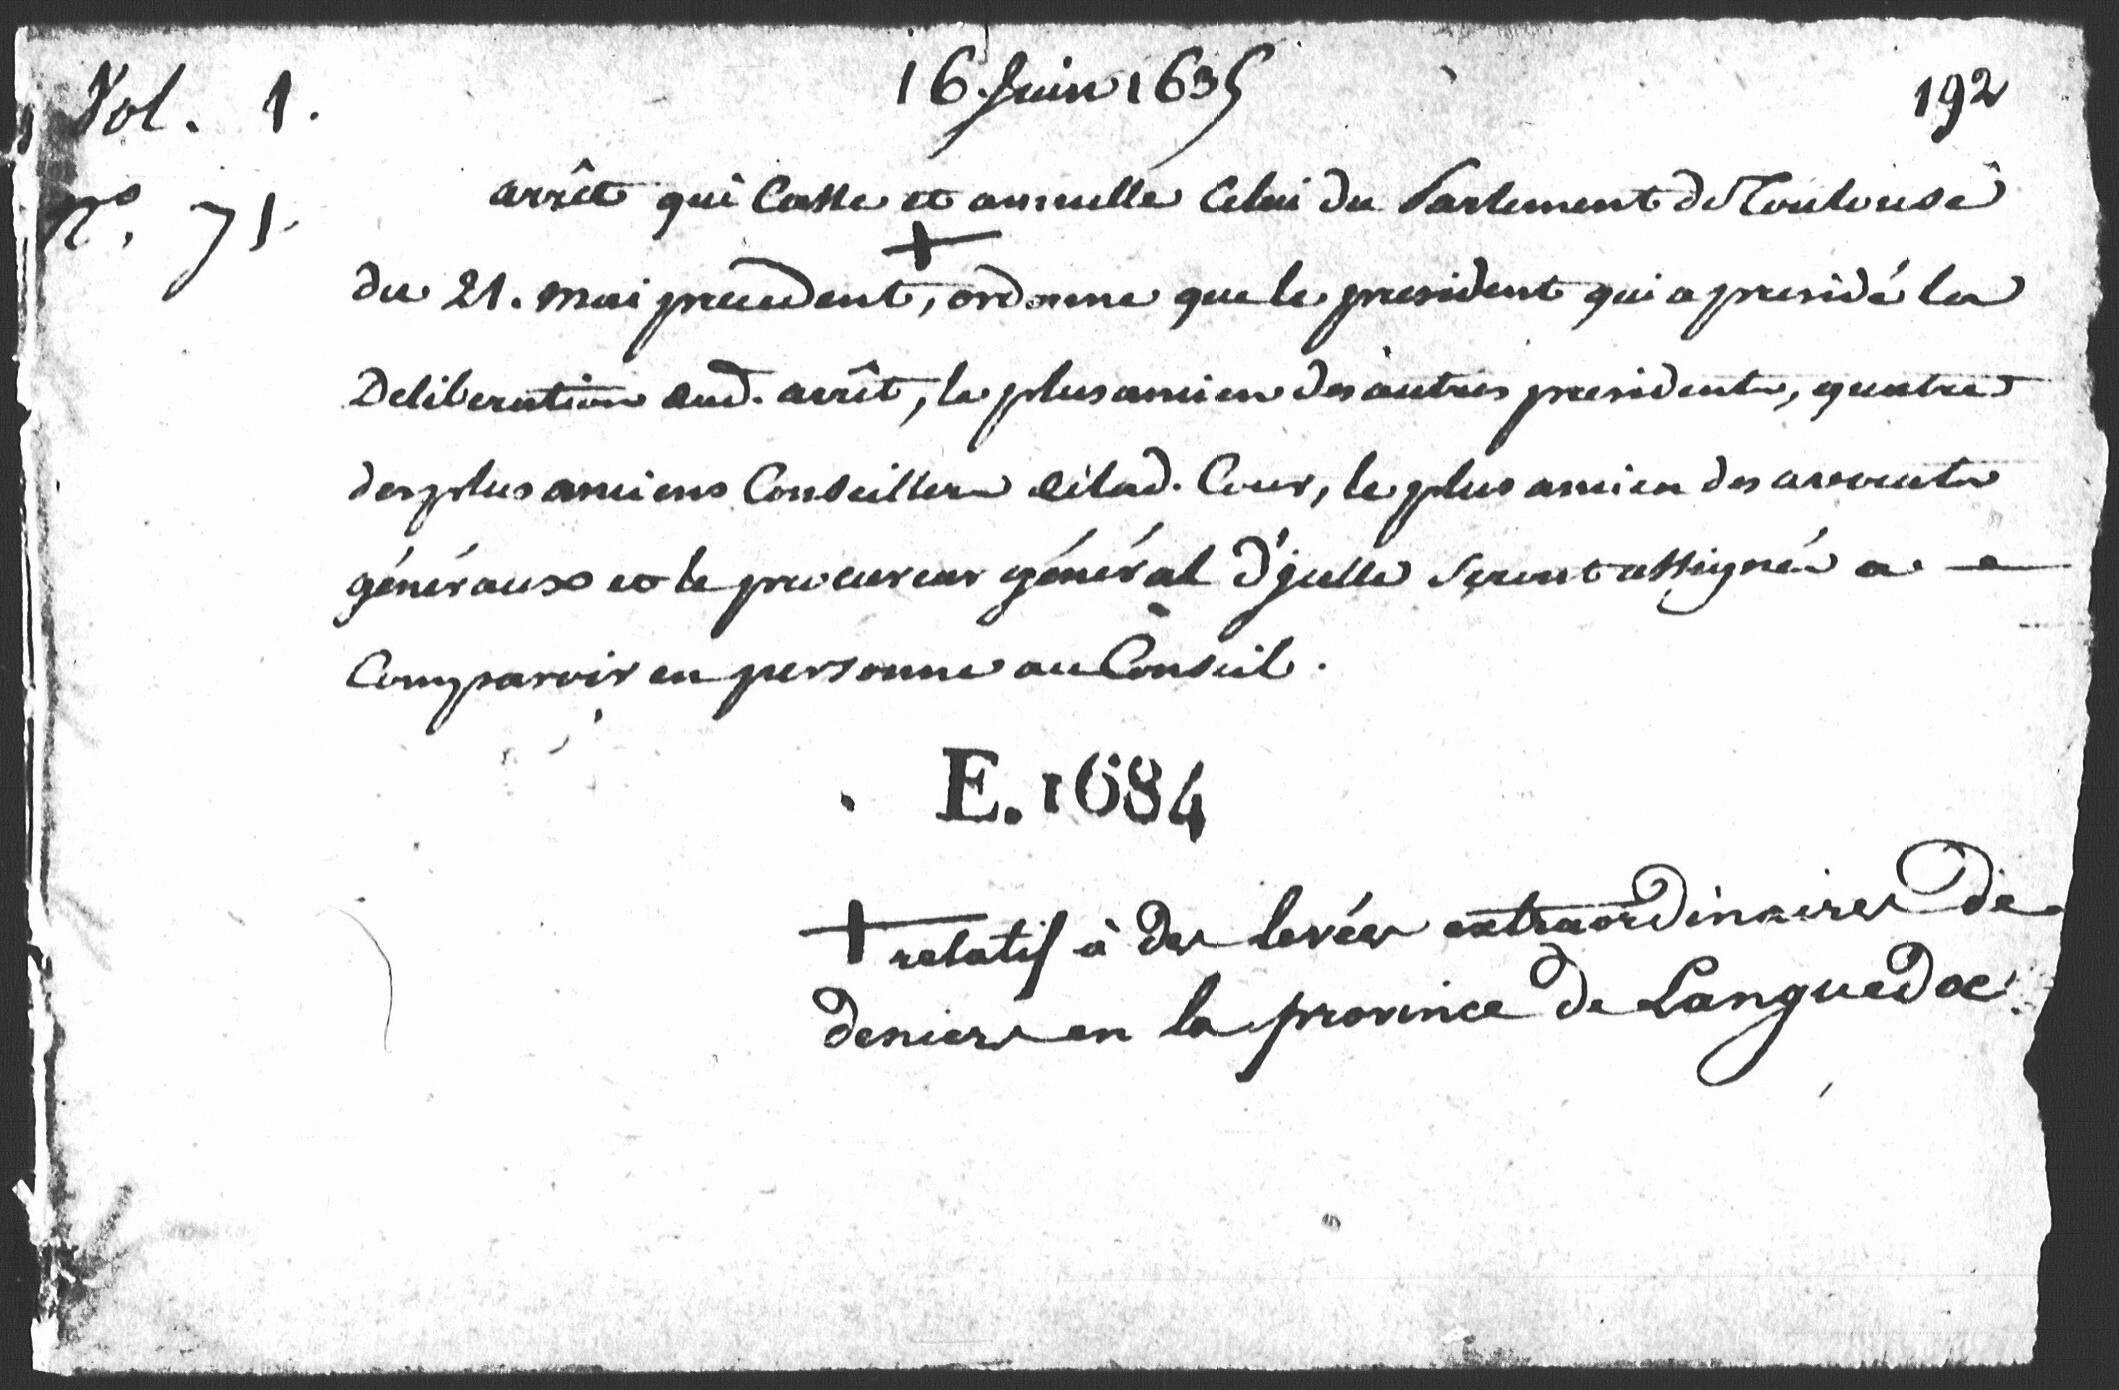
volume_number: n°71
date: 16 juin 1635
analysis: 192
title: arrêt qui casse et annulle celui du Parlement de Toulouse du 21. mai precedent relatif à des levées extraordinaires de deniers en la province de Languedoc, ordonne que le president qui a presidé la deliberation dud. arrêt, le plus ancien des autres presidents, quatre des plus anciens conseillers delad. Cour, le plus ancien des avocats généraux et le procureur général d'icelle seront assignés a comparoir en personne au Conseil.
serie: E
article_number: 1684
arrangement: vol. 1.
